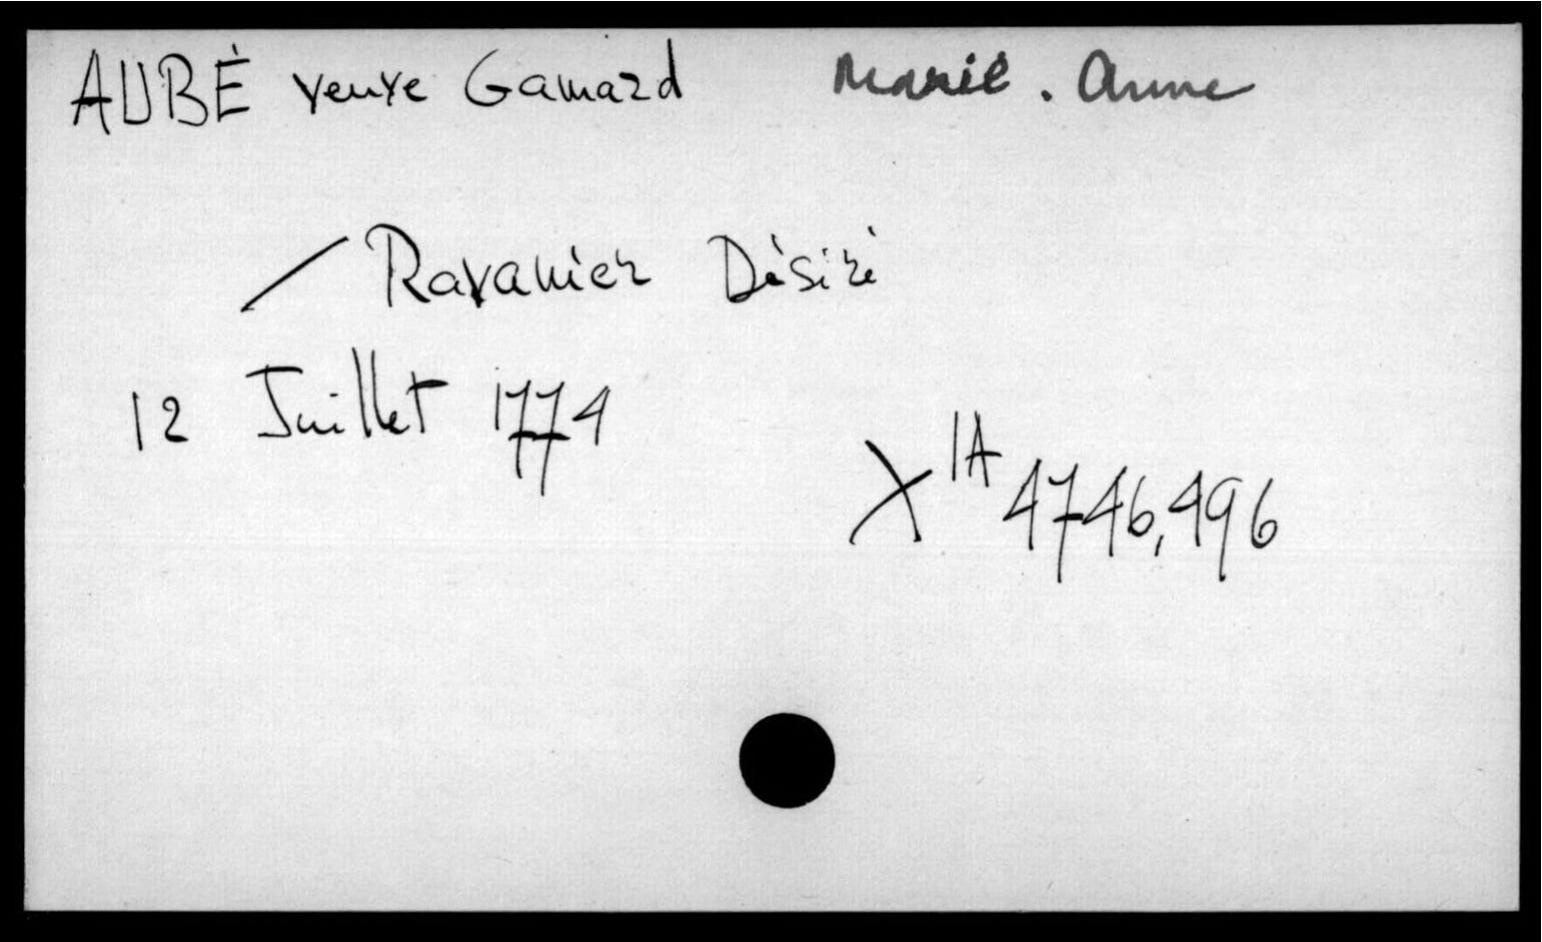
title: AUBÉ Veuve Gamard Marie-Anne
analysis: Contre Ravanier Désiré
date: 12 juillet 1774
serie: X1A
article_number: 4746
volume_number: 496
